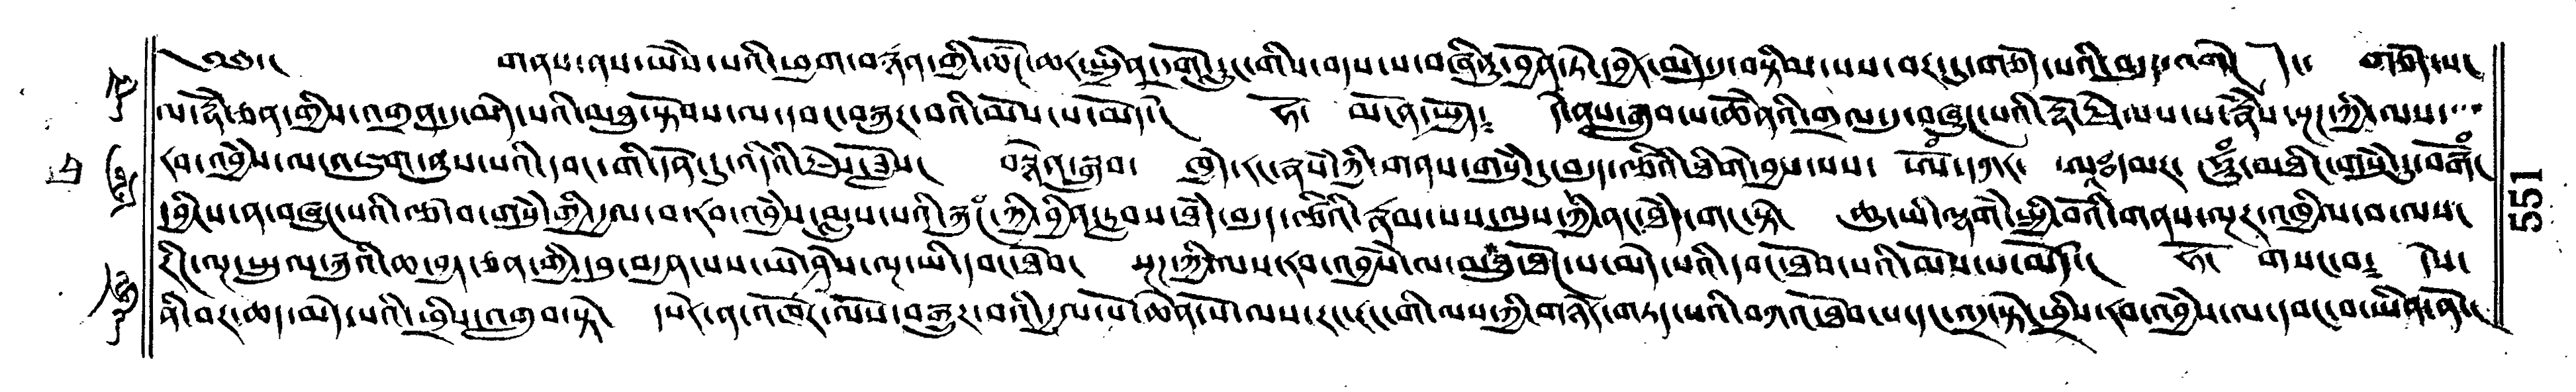གནས་ནས་ཡེ་ཤེས་པའི་ཕྱག་བརྙན་གྱི་ཚོགས་ཆར་སྤྲིན་དྲག་པོ་རླུང་གིས་བདས་པ་བཞིན་དུ་བྱོན་ཏེ་དབྱེར་མེད་དུ་བསྟིམ་པས་བར་དུ་གཅོད་པའི་བདུད་འགེགས་ཚར་ གཅོད་པ་
ལ་རྡོ་རྗེ་ཅན་གྱིས་འགྲན་དུ་མེད་པའི་མཐུ་སྟོབས་ལ་དབང་བསྐུར་བའི་མོས་པ་མཛོད། ཧོཿ མངོན་སྤྱོད༴ དེ་ནས་སྒྲུབ་པ་ཆེན་པོའི་གྲལ་དུ་བཞུགས་པའི་རྡོ་རྗེ་ལས་པ་རྣམས་སྔགས་ཀྱི་ལས་
རབ་འབྱམས་ལ་འཇུག་ནུས་པའི་དབང་གི་དོན་དུ་འདིའི་རྗེས་ཟློས། བསྙེན་སྒྲུབ༴ ཁྱེད་རང་རྣམས་ཀྱི་གནས་གསུམ་དུ་བདུད་རྩིའི་ཐིག་ལེ་བྱས་པས། ཨོཾ་དཀར། ཨཱཿདམར། ཧཱུྃ་མཐིང་གསུམ་དུ་སྒོམ། 
དབྱིངས་ན་བཞུགས་པའི་རྩ་བ་གསུམ་གྱི་རྒྱལ་བ་རབ་འབྱམས་མ་ལུས་པའི་སྐུ་གསུང་ཐུགས་ཀྱི་བྱིན་བརླབས་ཐམས་ཅད་བདུད་རྩིའི་རྣམ་པས་ལུས་ཀྱི་ནང་ཐམས་ཅད་གང་སྟེ་ ཆུ་ཡི་ལྷག་མ་སྤྱི་བོའི་གནས་ལྔར་འཁྱིལ་བ་ལས་
རིགས་ལྔ་སྤྲུལ་སྐུའི་ཆ་བྱད་ཅན་གྱི་དབུ་བརྒྱན་པས་ཡེ་ཤེས་ལྔ་ཡི་དབང་ཐོབ། སྔགས་ཀྱི་ལས་རབ་འབྱམས་ལ་མཐུ་ཐོགས་པ་མེད་པའི་དབང་ཐོབ་པའི་མོས་པ་མཛོད། ཧོཿ གསང་བ༴ དེས་
ནི་བར་ཆད་མེད་པའི་ཕྲིན་ལས་འགྲུབ་སྟེ། དཔེར་ན་འཁོར་ལོས་བསྒྱུར་བའི་རྒྱལ་པོ་ཆེན་པོ་ལས་རང་རང་གི་ལས་ཀྱི་གཉེར་གཏད་པའི་བཀའ་ཐོབ་པ་དང་འདྲ་སྟེ་ཕྲིན་ལས་རབ་འབྱམས་ལ་དབང་བ་ཡིན་ནོ།